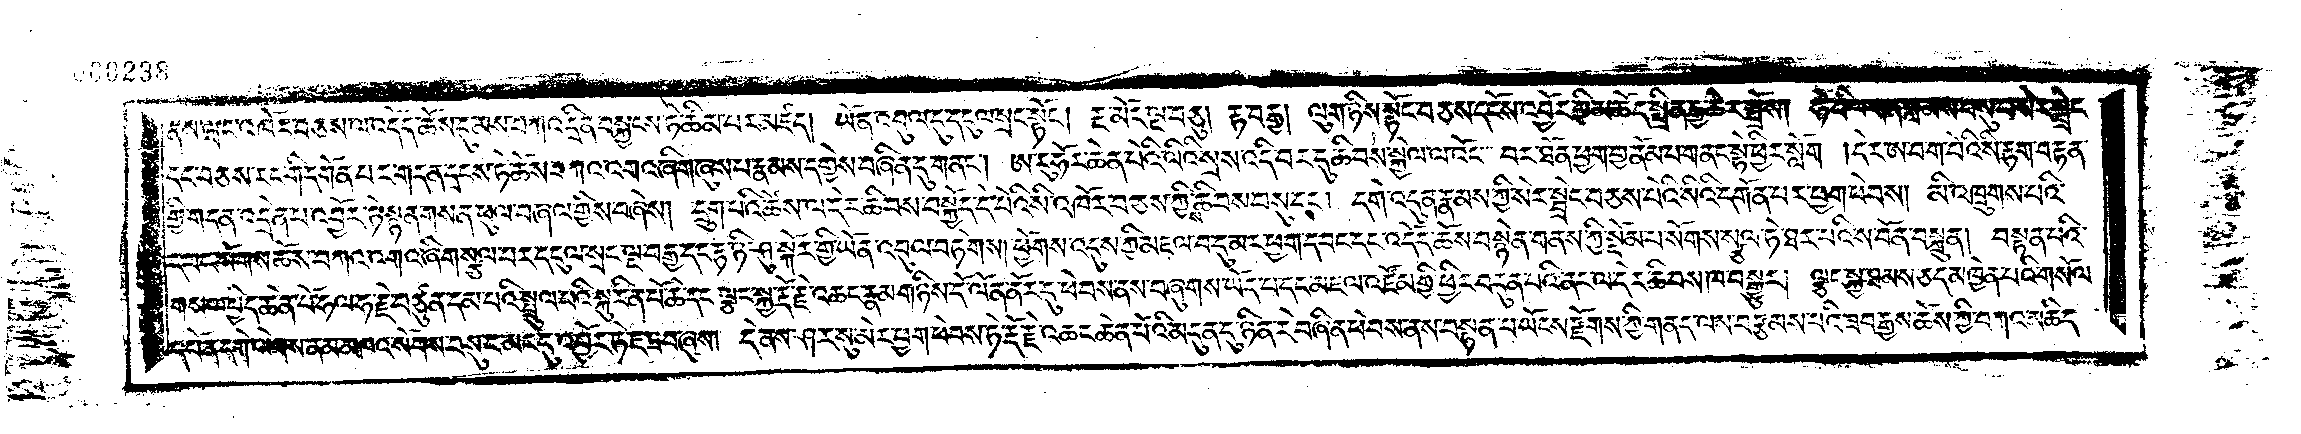ནས་ཝང་འཁོར་བཅས་ལ་འདོད་ཆོས་དུ་མས་བཀའ་དྲིན་བསྐྱངས་ཏེ་ཚིམ་པར་མཛད། ཡོན་འབུལ་དུ་དངུལ་སྲང་སྟོང་། རྔ་མོང་ལྔ་བཅུ། རྟ་བརྒྱ། ལུག་ཉིས་སྟོང་བཅས་དངོས་འབྱོར་གྱི་མཆོད་སྤྲིན་རྒྱ་ཆེར་སྤྲོས། ཧེ་བིལ་གན་བླ་མས་བསུ་བ་སེར་སྦྲེང་
དང་བཅས་རང་གི་དགོན་པར་གདན་དྲངས་ཏེ་ཆོས་བཀའ་འགའ་ཞིག་ཞུས་པ་རྣམས་དགྱེས་བཞིན་དུ་གནང་། ཨ་རུ་ཧོར་ཆེན་པེའི་ལིའི་སྲས་འདི་བར་དུ་ཆིབས་སྐྱེལ་ལ་འོང་བར་ཐོན་ཕྱག་གྱ་ནོམ་པ་གནང་སྟེ་ཕྱིར་སློག །དེར་ཨ་བ་ག་པེའི་སི་རྟག་བརྟན་
གྱི་གདན་འདྲེན་པ་འབྱོར་ཏེ་སྙན་གསན་ཕུལ་བ་ཞལ་གྱིས་བཞེས། དྲུག་པའི་ཚེས་ལ་དེར་ཆིབས་བསྐྱོད་དེ་པེའི་སི་འཁོར་བཅས་ཀྱིས་ཆིབས་བསུ་དང་། དགེ་འདུན་རྣམས་ཀྱི་སེར་སྦྲེང་བཅས་པེའི་སིའི་དགོན་པར་ཕྱག་ཕེབས། མི་འཁྲུགས་པའི་
དབང་སོགས་ཆོས་བཀའ་འགའ་ཞིག་སྩལ་པར་དངུལ་སྲང་ལྔ་བརྒྱ་དང་རྟ་ཉི་ཤུ་སྐོར་གྱི་ཡོན་འབུལ་བཏེགས། ཕྱོགས་འདུས་ཀྱི་མཇལ་བ་དུ་མར་ཕྱག་དབང་དང་འདོད་ཆོས་བསྙེན་གནས་ཀྱི་སྡོམ་པ་སོགས་སྩལ་ཏེ་ཐར་པའི་ས་བོན་བསྐྲུན། བསྟན་པའི་
གསལ་བྱེད་ཆེན་པོ་ཧལ་ཧ་རྗེ་བཙུན་དམ་པའི་སྤྲུལ་པའི་སྐུ་རིན་པོ་ཆེ་དང་ལྕང་སྐྱ་རྡོ་རྗེ་འཆང་རྣམ་གཉིས་དོ་ལོན་ནོར་དུ་ཕེབས་ནས་བཞུགས་ཡོད་པ་དང་མཇལ་འཛོམ་གྱི་ཕྱིར་བདུན་པའི་ནང་ལ་དེར་ཆིབས་ཁ་བསྒྱུར། ལྕང་སྐྱ་ཐམས་ཅད་མཁྱེན་པའི་གསོལ་
དཔོན་དགེ་ལེགས་ནམ་མཁའ་སོགས་བསུ་བ་མང་དུ་འབྱོར་ཏེ་ཇ་ཐབ་ཞུས། དེ་ནས་ཤ་ར་སུ་མེར་ཕྱག་ཕེབས་ཏེ་རྡོ་རྗེ་འཆང་ཆེན་པོའི་མདུན་དུ་ཉིན་རེ་བཞིན་ཕེབས་ནས་བསྟན་པ་ཡོངས་རྫོགས་ཀྱི་གནད་ལས་བརྩམས་པའི་ཟབ་རྒྱས་ཆོས་ཀྱི་བཀའ་མཆིད་